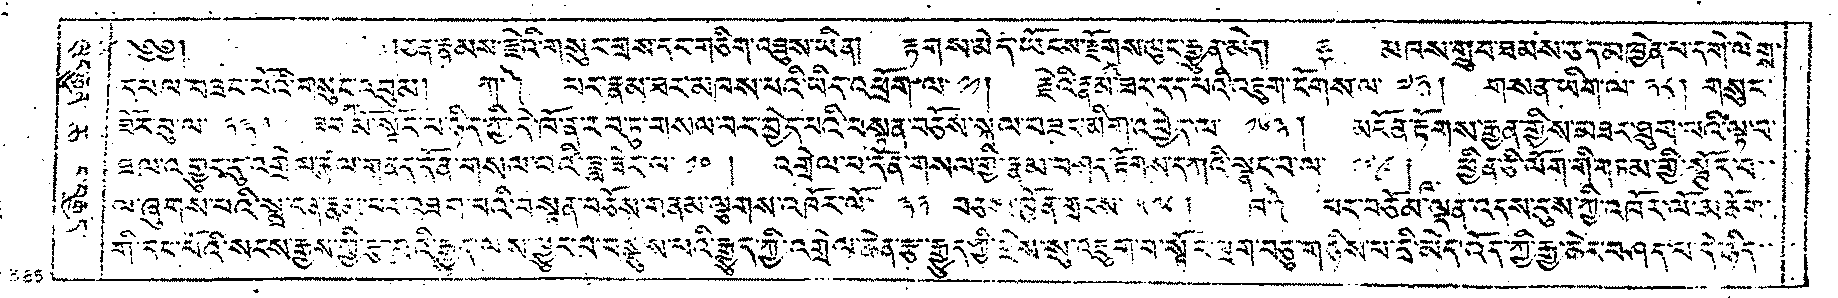༄༅། །ཅན་རྣམས་རྗེའི་གསུང་གྲས་དང་གཅིག་འཐུས་ཡིན། རྟགས་མེད་ཡོངས་རྫོགས་ལུང་རྒྱུན་མེད། ༈ མཁས་གྲུབ་ཐམས་ཅད་མཁྱེན་པ་དགེ་ལེགས་
དཔལ་བཟང་པོའི་གསུང་འབུམ། ཀ྄་པར་རྣམ་ཐར་མཁས་པའི་ཡིད་འཕྲོག་ལ ༡༡། རྗེའི་རྣམ ༡?་ཐར་དད་པའི་འཇུག་ངོགས་ལ ༧༢། གསན་ཡིག་ལ ༢༨། གསུང་
ཐོར་བུ་ལ ༢༣། ཀ་ཟབ་མོ་སྟོང་པ་ཉིད་ཀྱི་དེ་ཁོ་ན་རབ་ཏུ་གསལ་བར་བྱེད་པའི་བསྟན་བཅོས་སྐལ་བཟང་མིག་འབྱེད་ལ ༡༦༣། མངོན་རྟོགས་རྒྱན་གྱིས་མཐར་ཐུག་པའི་ལྟ་བ་
ཐལ་འགྱུར་དུ་འགྲེལ་ཚུལ་གནད་དོན་གསལ་བའི་ཟླ་ཟེར་ལ ༡༠། འགྲེལ་པ་དོན་གསལ་གྱི་རྣམ་བཤད་རྟོགས་དཀའི་སྣང་བ་ལ ༡༧༩། ཕྱིན་ཅི་ལོག་གི་གཏམ་གྱི་སྦྱོར་བ་
ལ་ཞུགས་པའི་སྨྲ་ངན་རྣམ་པར་འཐག་པའི་བསྟན་བཅོས་གནམ་ལྕགས་འཁོར་ལོ ༣༢་བཅས་ཁྱོན་གྲངས ༥༡༨། ཁ྄་པར་བཅོམ་ལྡན་ཁ་འདས་དུས་ཀྱི་འཁོར་ལོ་མཆོག་
གི་དང་པོའི་སངས་རྒྱས་ཀྱི་རྩ་བའི་རྒྱུད་ལས་ཕྱུང་བ་བསྡུས་པའི་རྒྱུད་ཀྱི་འགྲེལ་ཆེན་རྩ་རྒྱུད་ཀྱི་རྗེས་སུ་འཇུག་པ་སྟོང་ཕྲག་བཅུ་གཉིས་པ་དྲི་མེད་འོད་ཀྱི་རྒྱ་ཆེར་བཤད་པ་དེ་ཉིད་